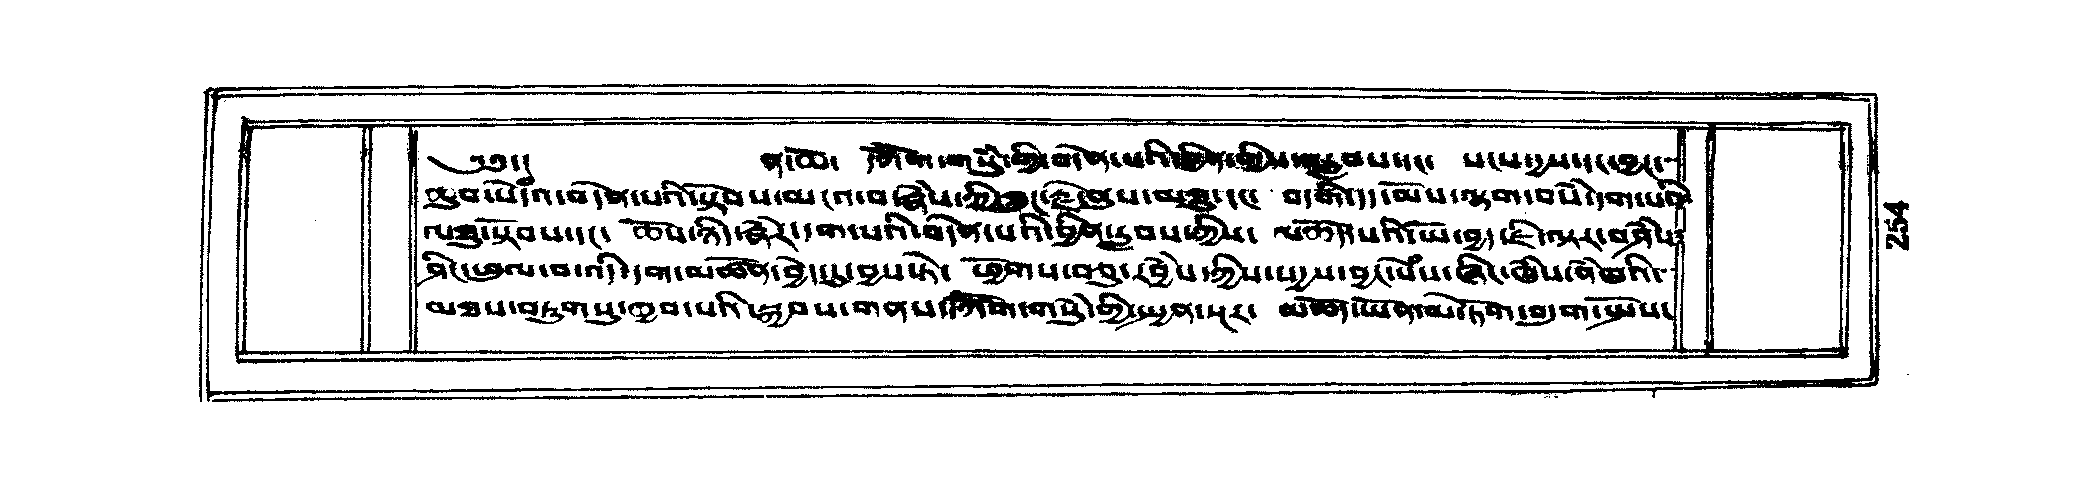ན་མོ། དཀོན་མཆོག་གསུམ་གྱི་བདེན་པའི་བྱིན་རླབས་དང་། །སངས་རྒྱས་དང་བྱང་
ཆུབ་སེམས་དཔའ་བདེན་པའི་སྟོབས་མངའ་བ་རྣམས་ཀྱི་ཐུགས་རྗེ་ནུས་མཐུ་དང་། བདག་གི་དད་མོས་ལྷག་བསམ་དག་པའི་
མཐུ་སྟོབས་དང་། ཆོས་ཉིད་རྣམ་པར་དག་པའི་བདེན་པའི་བྱིན་རླབས་ཀྱིས། །མཆོད་པའི་ཡོ་བྱད་ཇི་ལྟར་བཤམས་
ཤིང་ཕུལ་བ་འདི་དག་མཚོན་བྱེད་དུ་བྱས་ཏེ། ཕྱོགས་བཅུ་རབ་འབྱམས་ཀྱི་སངས་རྒྱས་བྱང་སེམས་ཞིང་ཁམས་ནམ་མཁའི་
མཐས་གཏུགས་སུ་ཁྱབ་པའི་སྐྱབས་གནས་དཀོན་མཆོག་གསུམ་གྱི་སྤྱན་སྔར། མཆོད་ཡོན་མེ་ཏོག་བདུག་སྤོས་